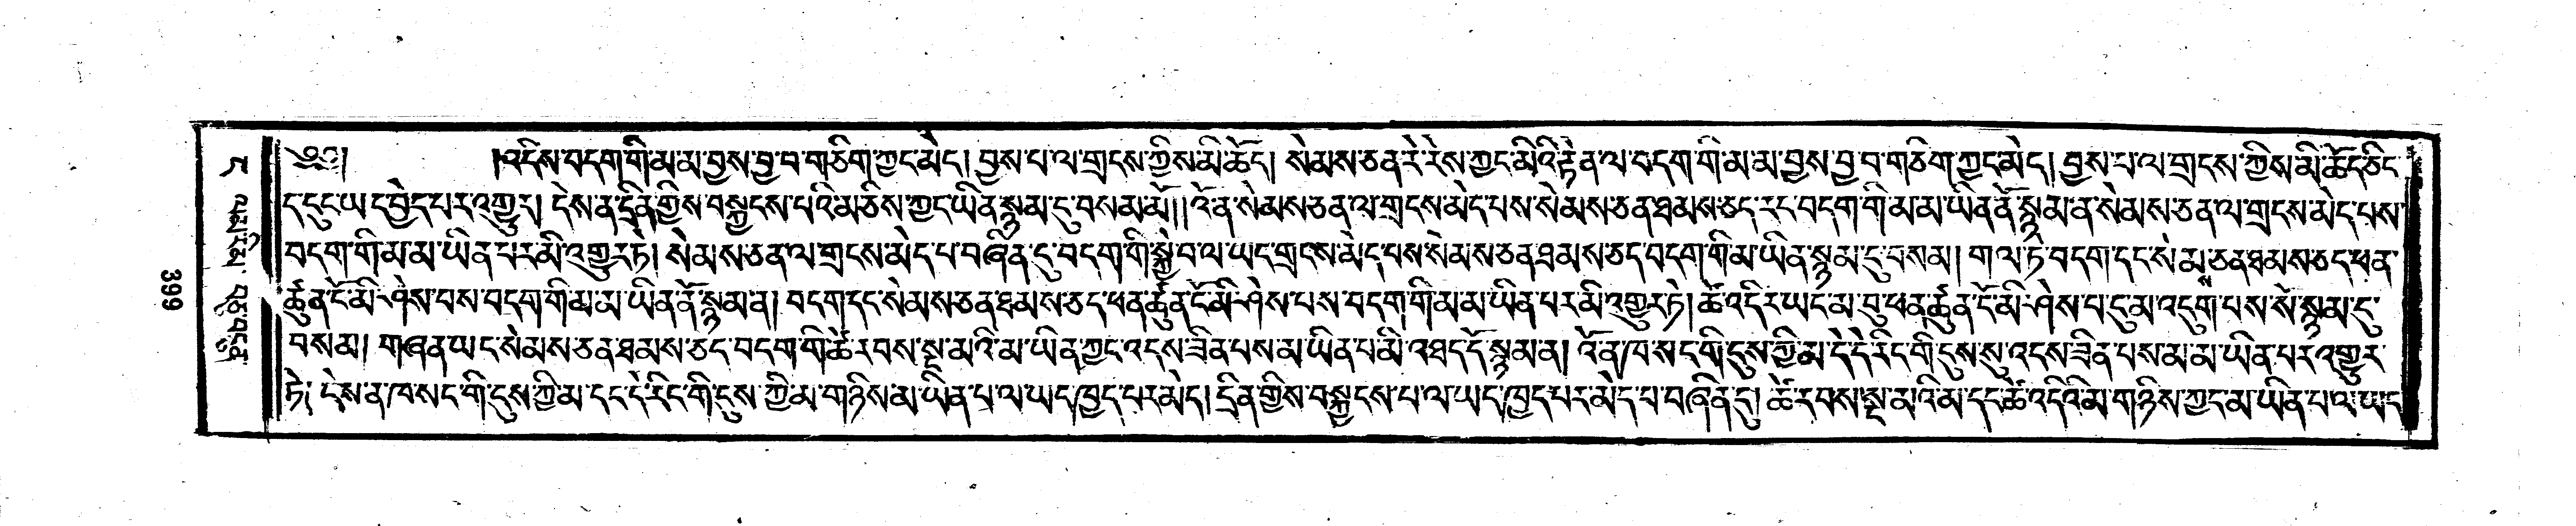༄༅། །འདིས་བདག་གི་མ་མ་བྱས་བྱ་བ་གཅིག་ཀྱང་མེད། བྱས་པ་ལ་གྲངས་ཀྱིས་མི་ཆོད། སེམས་ཅན་རེ་རེས་ཀྱང་མིའི་རྟེན་ལ་བདག་གི་མ་མ་བྱས་བྱ་བ་གཅིག་ཀྱང་མེད། བྱས་པ་ལ་གྲངས་ཀྱིས་མི་ཆོད་ཅིང་
ད་དུང་ཡང་བྱེད་པར་འགྱུར། དེས་ན་དྲིན་གྱིས་བསྐྱངས་པའི་མ་ཅིས་ཀྱང་ཡིན་སྙམ་དུ་བསམ་མོ། །འོ་ན་སེམས་ཅན་ལ་གྲངས་མེད་པས་སེམས་ཅན་ཐམས་ཅད་རང་བདག་གི་མ་མ་ཡིན་ནོ་སྙམ་ན་སེམས་ཅན་ལ་གྲངས་མེད་པས་
བདག་གི་མ་མ་ཡིན་པར་མི་འགྱུར་ཏེ། སེམས་ཅན་ལ་གྲངས་མེད་པ་བཞིན་དུ་བདག་གི་སྐྱེ་བ་ལ་ཡང་གྲངས་མེད་པས་སེམས་ཅན་ཐམས་ཅད་བདག་གི་མ་ཡིན་སྙམ་དུ་བསམ། གལ་ཏེ་བདག་དང་སེམས་ཅན་ཐམས་ཅད་ཕན་
ཚུན་ངོ་མི་ཤེས་པས་བདག་གི་མ་མ་ཡིན་ནོ་སྙམ་ན། བདག་དང་སེམས་ཅན་ཐམས་ཅད་ཕན་ཚུན་ངོ་མི་ཤེས་པས་བདག་གི་མ་མ་ཡིན་པར་མི་འགྱུར་ཏེ། ཚེ་འདིར་ཡང་མ་བུ་ཕན་ཚུན་ངོ་མི་ཤེས་པ་དུ་མ་འདུག་པས་སོ་སྙམ་དུ་
བསམ། གཞན་ཡང་སེམས་ཅན་ཐམས་ཅད་བདག་གི་ཚེ་རབས་སྔ་མའི་མ་ཡིན་ཀྱང་འདས་ཟིན་པས་མ་ཡིན་པ་མི་འཐད་དོ་སྙམ་ན། འོ་ན་ཁ་སང་གི་དུས་ཀྱི་མ་དེ་དེ་རིང་གི་དུས་སུ་འདས་ཟིན་པས་མ་མ་ཡིན་པར་འགྱུར་
ཏེ༑ དེས་ན་ཁ་སང་གི་དུས་ཀྱི་མ་དང་དེ་རིང་གི་དུས་ཀྱི་མ་གཉིས་མ་ཡིན་པ་ལ་ཡང་ཁྱད་པར་མེད། དྲིན་གྱིས་བསྐྱངས་པ་ལ་ཡང་ཁྱད་པར་མེད་པ་བཞིན་དུ། ཚེ་རབས་སྔ་མའི་མ་དང་ཚེ་འདིའི་མ་གཉིས་ཀྱང་མ་ཡིན་པ་ལ་ཡང་